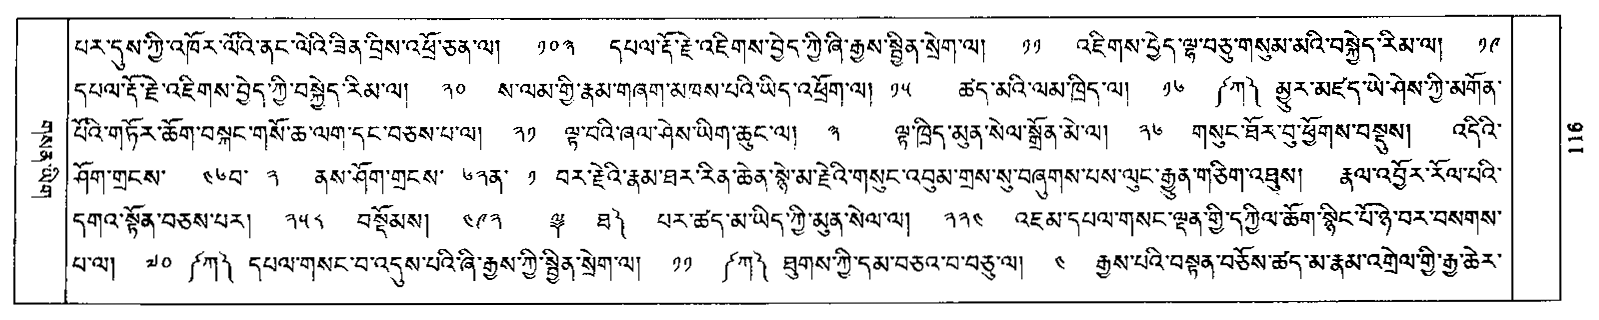པར་དུས་ཀྱི་འཁོར་ལོའི་ནང་ལེའི་ཟིན་བྲིས་འཕྲོ་ཅན་ལ། ༡༠༣་དཔལ་རྡོ་རྗེ་འཇིགས་བྱེད་ཀྱི་ཞི་རྒྱས་སྦྱིན་སྲེག་ལ། ༡༡་འཇིགས་བྱེད་ལྷ་བཅུ་གསུམ་མའི་བསྐྱེད་རིམ་ལ། ༡༩
དཔལ་རྡོ་རྗེ་འཇིགས་བྱེད་ཀྱི་བསྐྱེད་རིམ་ལ། ༢༠་ས་ལམ་གྱི་རྣམ་གཞག་མཁས་པའི་ཡིད་འཕྲོག་ལ། ༡༥་ཚད་མའི་ལམ་ཁྲིད་ལ། ༡༦་?ཀ་མྱུར་མཛད་ཡེ་ཤེས་ཀྱི་མགོན་
པོའི་གཏོར་ཆོག་བསྐང་གསོ་ཆ་ལག་དང་བཅས་པ་ལ། ༢༡་ལྟ་བའི་ཞལ་ཤེས་ཡིག་ཆུང་ལ། ༣་ལྟ་ཁྲིད་མུན་སེལ་སྒྲོན་མེ་ལ། ༢༦་གསུང་ཐོར་བུ་ཕྱོགས་བསྡུས། འདིའི་
ཤོག་གྲངས ༤༦༠ ༢་ནས་ཤོག་གྲངས ༦༢་ན ༡་བར་རྗེའི་རྣམ་ཐར་རིན་ཆེན་སྙེ་མ་རྗེའི་གསུང་འབུམ་གྲས་སུ་བཞུགས་པས་ལུང་རྒྱུན་གཅིག་འཐུས། རྣལ་འབྱོར་རོལ་པའི་
དགའ་སྟོན་བཅས་པར། ༢༥༨་བསྡོམས། ༤༩༢་༈ ཐ་པར་ཚད་མ་ཡིད་ཀྱི་མུན་སེལ་ལ། ༢༢༤་འཇམ་དཔལ་གསང་ལྡན་གྱི་དཀྱིལ་ཆོག་སྙིང་པོ་ཉེ་བར་བསགས་
པ་ལ། ༧༠་?ཀ༼་དཔལ་གསང་བ་འདུས་པའི་ཞི་རྒྱས་ཀྱི་སྦྱིན་སྲེག་ལ། ༡༡་?ཀ༽ ཐུགས་ཀྱི་དམ་བཅའ་བ་བཅུ་ལ། ༤་རྒྱས་པའི་བསྟན་བཅོས་ཚད་མ་རྣམ་འགྲེལ་གྱི་རྒྱ་ཆེར་